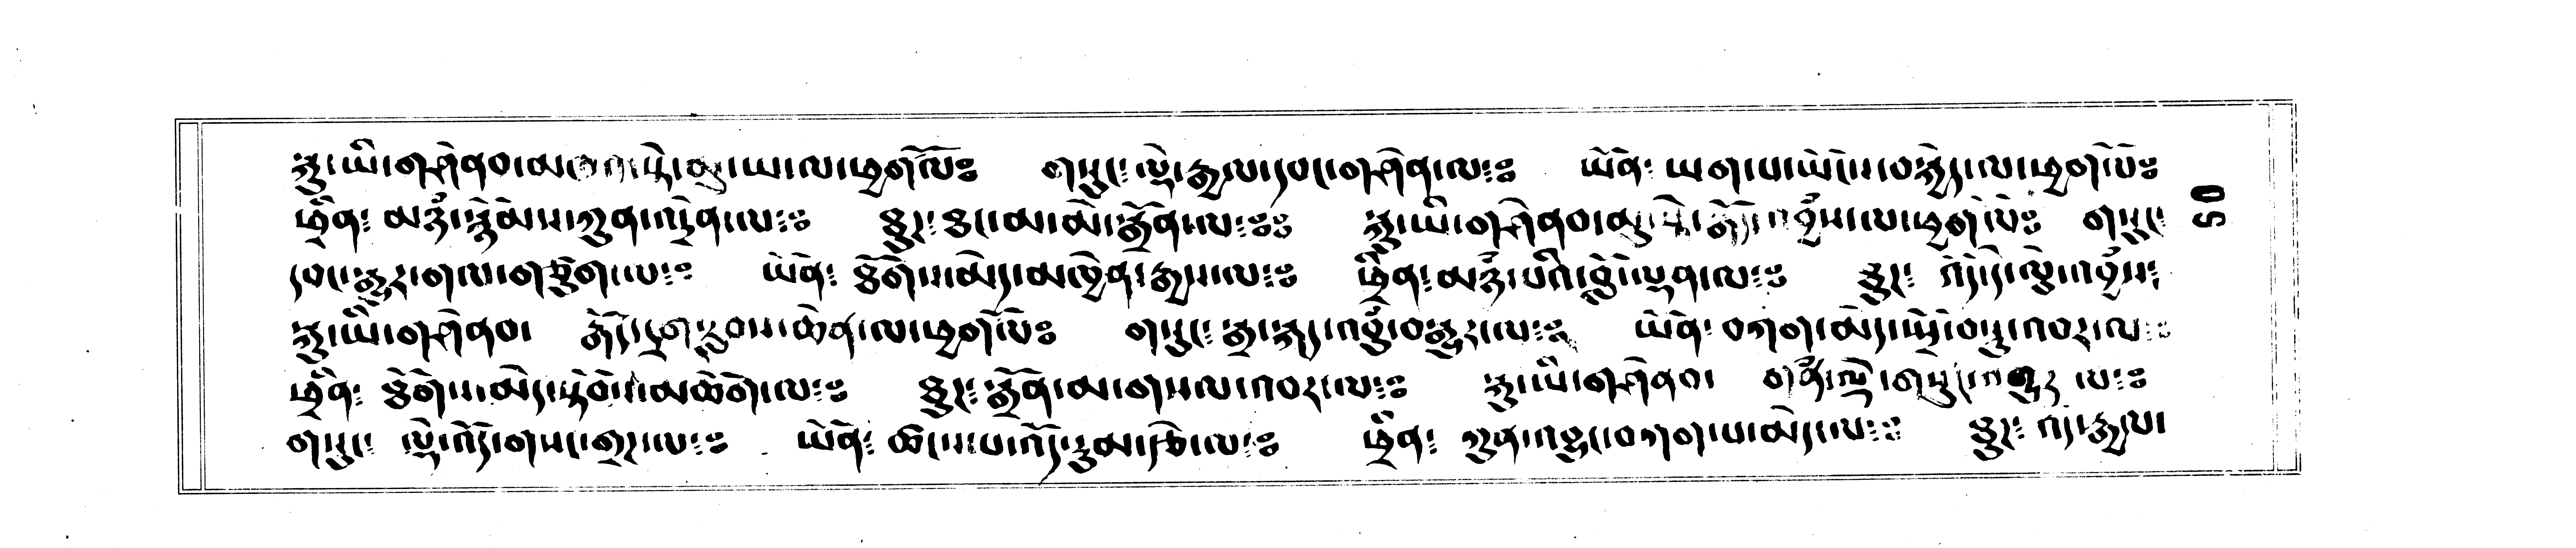སྐུ་ཡི་གཤེན་རབཿ མཁའ་ཏེ་མུ་ཡ་ལ་ཕྱག་འཚལ་ལོཿ གསུང་གི་གཤེན་རབ་ལཿ ལྡེ་རྒྱལ་དབང་གཤེན་ལ་ཕྱག་འཚལ་ལོཿ ཡོན་ཏན་གྱི་གཤེན་རབཿ ཡག་པ་ཡོངས་བསྐྱེད་ལ་ཕྱག་འཚལ་ལོཿ 
ཕྲིན་ལས་ཀྱི་གཤེན་རབཿ མཉམ་སྙོམ་ཀུན་འདྲེན་ལ་ཕྱག་འཚལ་ལོཿ ཐུགས་ཀྱི་གཤེན་རབཿ ཐང་མ་མེ་སྒྲོན་ལ་ཕྱག་འཚལ་ལོཿ སྐུ་ཡི་གཤེན་རབཿ མུ་སྟེ་རྒོད་འབྱམས་ལ་ཕྱག་འཚལ་ལོཿ གསུང་གི་གཤེན་རབ་ལཿ 
དབང་སྒྱུར་གལ་གཙུག་ལ་ཕྱག་འཚལ་ལོཿ ཡོན་ཏན་གྱི་གཤེན་རབཿ ཐོགས་མེད་མཁྱེན་རྒྱས་ལ་ཕྱག་འཚལ་ལོཿ ཕྲིན་ལས་ཀྱི་གཤེན་རབཿ མཉམ་པའི་བློ་ལྡན་ལ་ཕྱག་འཚལ་ལོཿ ཐུགས་ཀྱི་གཤེན་རབཿ འོད་དེ་ལྕེ་འབྱམས་ལ་ཕྱག་འཚལ་ལོཿ 
སྐུ་ཡི་གཤེན་རབཿ རྒོད་དྲག་རླབས་ཆེན་ལ་ཕྱག་འཚལ་ལོཿ གསུང་གི་གཤེན་རབ་ལཿ སྒྲ་སྐད་འབུམ་བསྒྱུར་ལ་ཕྱག་འཚལ་ལོཿ ཡོན་ཏན་གྱི་གཤེན་རབཿ བཀག་མེད་སྤྲོ་བསྡུ་འབར་ལ་ཕྱག་འཚལ་ལོཿ
 ཕྲིན་ལས་ཀྱི་གཤེན་རབཿ ཐོགས་མེད་སྟོབས་མཆོག་ལ་ཕྱག་འཚལ་ལོཿ ཐུགས་ཀྱི་གཤེན་རབཿ སྒྲོན་མ་གསལ་འབར་ལ་ཕྱག་འཚལ་ལོཿ སྐུ་ཡི་གཤེན་རབཿ གནམ་ལྡེ་གསུང་འགྱུར་ལ་ཕྱག་འཚལ་ལོཿ 
གསུང་གི་གཤེན་རབ་ལཿ ལྡེ་འོད་གསང་གྲགས་ལ་ཕྱག་འཚལ་ལོཿ ཡོན་ཏན་གྱི་གཤེན་རབཿ ཚངས་པ་འོད་རུམ་རྩེ་ལ་ཕྱག་འཚལ་ལོཿ ཕྲིན་ལས་ཀྱི་གཤེན་རབཿ ཀུན་འབྱུང་བཀག་པ་མེད་ལ་ཕྱག་འཚལ་ལོཿ ཐུགས་ཀྱི་གཤེན་རབཿ འོད་རྒྱལ་